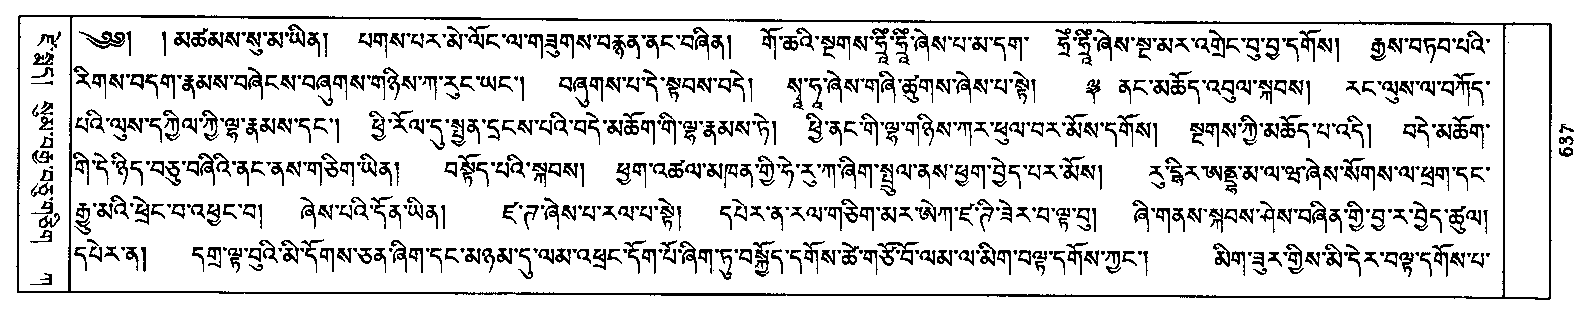༄༅། །མཚམས་སུ་མ་ཡིན། པགས་པར་མེ་ལོང་ལ་གཟུགས་བརྙན་ནང་བཞིན། གོ་ཆའི་སྔགས་ཧྲཱིཾ་ཧྲཱིཾ་ཞེས་པ་མ་དག་ཧྲེཾ་ཧྲཱིཾ་ཞེས་སྔ་མར་འགྲེང་བུ་བྱ་དགོས། རྒྱས་བཏབ་པའི་
རིགས་བདག་རྣམས་བཞེངས་བཞུགས་གཉིས་ཀ་རུང་ཡང་། བཞུགས་པ་དེ་སྟབས་བདེ། སྭཱ་ཧཱ་ཞེས་གཞི་ཚུགས་ཞེས་པ་སྟེ། ༈ ནང་མཆོད་འབུལ་སྐབས། རང་ལུས་ལ་བཀོད་
པའི་ལུས་དཀྱིལ་ཀྱི་ལྷ་རྣམས་དང་། ཕྱི་རོལ་དུ་སྤྱན་དྲངས་པའི་བདེ་མཆོག་གི་ལྷ་རྣམས་ཏེ། ཕྱི་ནང་གི་ལྷ་གཉིས་ཀར་ཕུལ་བར་མོས་དགོས། སྔགས་ཀྱི་མཆོད་པ་འདི། བདེ་མཆོག་
གི་དེ་ཉིད་བཅུ་བཞིའི་ནང་ནས་གཅིག་ཡིན། བསྟོད་པའི་སྐབས། ཕྱག་འཚལ་མཁན་གྱི་ཧེ་རུ་ཀ་ཞིག་སྤྲུལ་ནས་ཕྱག་བྱེད་པར་མོས། རུ་དྷིར་ཨནྡྷ་མ་ལ་ཝ་ཞེས་སོགས་ལ་ཕྲག་དང་
རྒྱུ་མའི་ཕྲེང་བ་འཕྱང་བ། ཞེས་པའི་དོན་ཡིན། ཛ་ཊ་ཞེས་པ་རལ་པ་སྟེ། དཔེར་ན་རལ་གཅིག་མར་ཨེཀ་ཛ་ཊི་ཟེར་བ་ལྟ་བུ། ཞི་གནས་སྐབས་ཤེས་བཞིན་གྱི་བྱ་ར་བྱེད་ཚུལ།
དཔེར་ན། དགྲ་ལྟ་བུའི་མི་དོགས་ཅན་ཞིག་དང་མཉམ་དུ་ལམ་འཕྲང་དོག་པོ་ཞིག་ཏུ་བསྐྱོད་དགོས་ཚེ་གཙོ་བོ་ལམ་ལ་མིག་བལྟ་དགོས་ཀྱང་། མིག་ཟུར་གྱིས་མི་དེར་བལྟ་དགོས་པ་